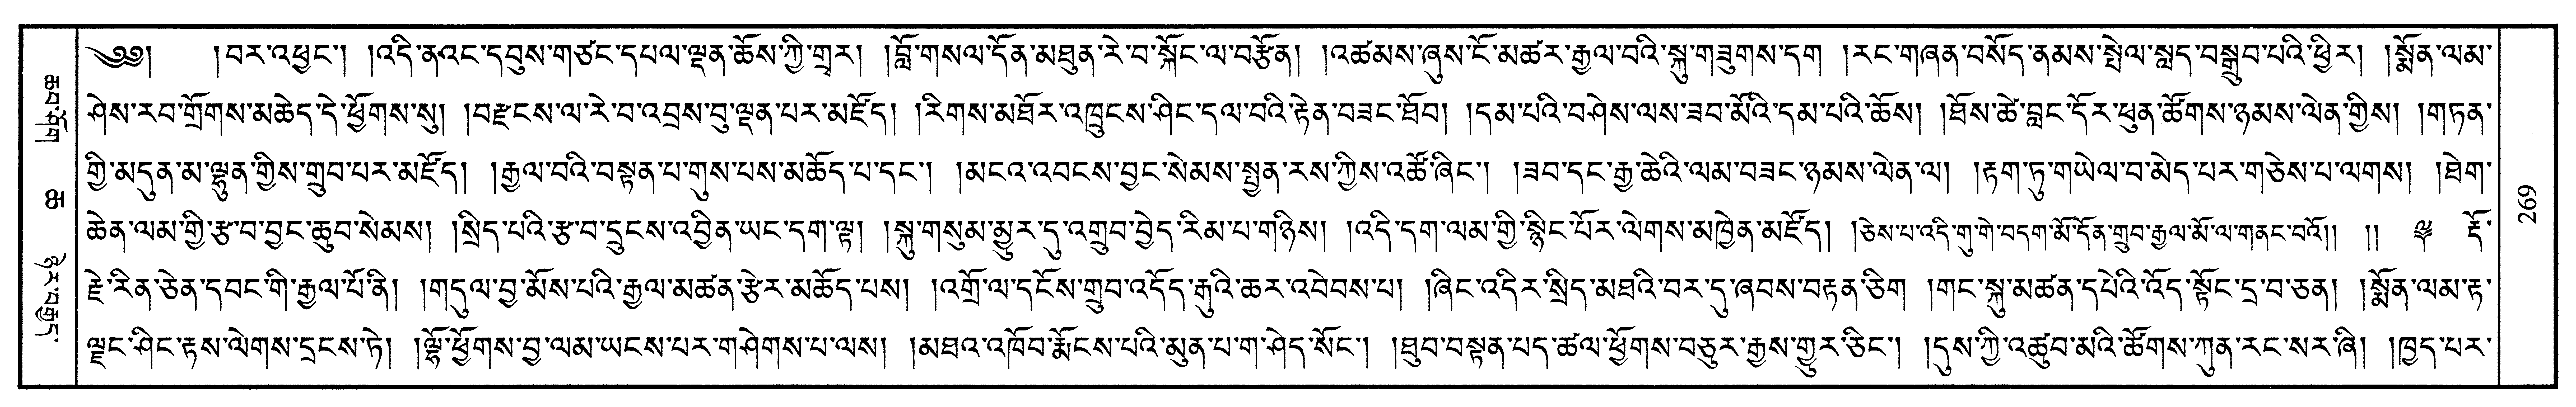༄༅། །བར་འཕྱང་། །འདི་ནའང་དབུས་གཙང་དཔལ་ལྡན་ཆོས་ཀྱི་གྲྭར། །བློ་གསལ་དོན་མཐུན་རེ་བ་སྐོང་ལ་བརྩོན། །འཚམས་ཞུས་ངོ་མཚར་རྒྱལ་བའི་སྐུ་གཟུགས་དག །རང་གཞན་བསོད་ནམས་སྤེལ་སླད་བསྒྲུབ་པའི་ཕྱིར། །སྨོན་ལམ་
ཤེས་རབ་གྲོགས་མཆེད་དེ་ཕྱོགས་སུ། །བརྫངས་ལ་རེ་བ་འབྲས་བུ་ལྡན་པར་མཛོད། །རིགས་མཐོར་འཁྲུངས་ཤིང་དལ་བའི་རྟེན་བཟང་ཐོབ། །དམ་པའི་བཤེས་ལས་ཟབ་མོའི་དམ་པའི་ཆོས། །ཐོས་ཚེ་བླང་དོར་ཕུན་ཚོགས་ཉམས་ལེན་གྱིས། །གཏན་
གྱི་མདུན་མ་ལྷུན་གྱིས་གྲུབ་པར་མཛོད། །རྒྱལ་བའི་བསྟན་པ་གུས་པས་མཆོད་པ་དང་། །མངའ་འབངས་བྱང་སེམས་སྤྱན་རས་ཀྱིས་འཚོ་ཞིང་། །ཟབ་དང་རྒྱ་ཆེའི་ལམ་བཟང་ཉམས་ལེན་ལ། །རྟག་ཏུ་གཡེལ་བ་མེད་པར་གཅེས་པ་ལགས། །ཐེག་
ཆེན་ལམ་གྱི་རྩ་བ་བྱང་ཆུབ་སེམས། །སྲིད་པའི་རྩ་བ་དྲུངས་འབྱིན་ཡང་དག་ལྟ། །སྐུ་གསུམ་མྱུར་དུ་འགྲུབ་བྱེད་རིམ་པ་གཉིས། །འདི་དག་ལམ་གྱི་སྙིང་པོར་ལེགས་མཁྱེན་མཛོད། །ཅེས་པ་འདི་གུ་གེ་བདག་མོ་དོན་གྲུབ་རྒྱལ་མོ་ལ་གནང་བའོ།། །། ༈ རྡོ་
རྗེ་རིན་ཅེན་དབང་གི་རྒྱལ་པོ་ནི། །གདུལ་བྱ་མོས་པའི་རྒྱལ་མཚན་རྩེར་མཆོད་པས། །འགྲོ་ལ་དངོས་གྲུབ་འདོད་རྒུའི་ཆར་འབེབས་པ། །ཞིང་འདིར་སྲིད་མཐའི་བར་དུ་ཞབས་བརྟན་ཅིག །གང་སྐུ་མཚན་དཔེའི་འོད་སྟོང་དྲ་བ་ཅན། །སྨོན་ལམ་རྟ་
ལྗང་ཤིང་རྟས་ལེགས་དྲངས་ཏེ། །ལྷོ་ཕྱོགས་བྱ་ལམ་ཡངས་པར་གཤེགས་པ་ལས། །མཐའ་འཁོབ་རྨོངས་པའི་མུན་པ་ག་ཤེད་སོང་། །ཐུབ་བསྟན་པད་ཚལ་ཕྱོགས་བཅུར་རྒྱས་གྱུར་ཅིང་། །དུས་ཀྱི་འཚུབ་མའི་ཚོགས་ཀུན་རང་སར་ཞི། །ཁྱད་པར་